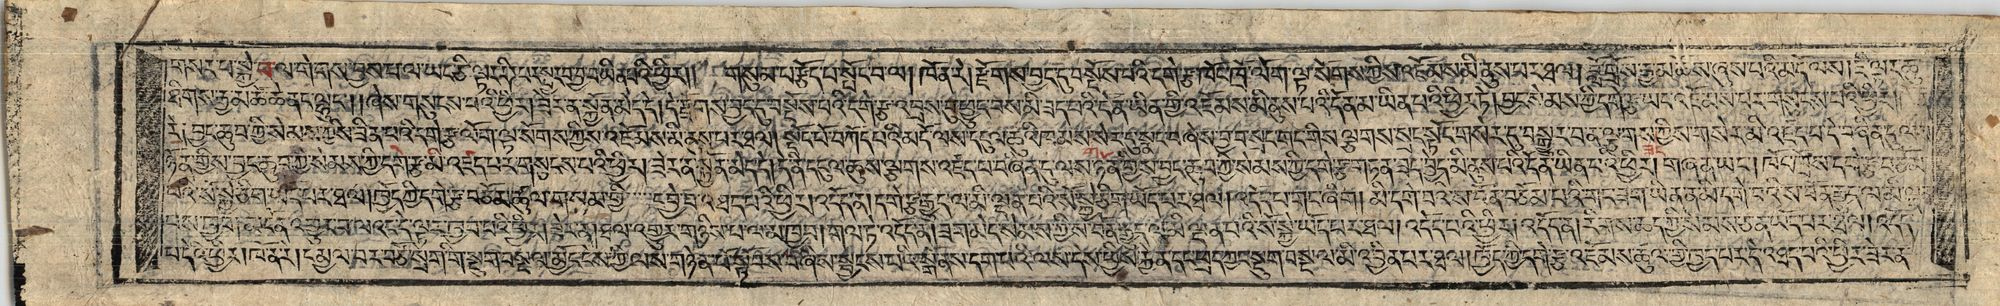གསར་བ་སྐྱེ་བ་ལ་གེགས་བྱས་པ་ལ་ཡང་ཅི་ལྟར་རིགས་པར་སྦྱར་བ་བྱ་བ་ཡིན་པའི་ཕྱིར།། གསུམ་པ་རྩོད་པ་སྤོང་བ་ལ། ཁོ་ན་རེ། རྫོགས་བྱང་དུ་བསྔསྤའི་དགེ་རྩ་ཁོང་ཁྲོ་ལོག་ལྟ་སོགས་ཀྱིས་འཇོམས་མི་ནུས་པར་ཐལ། བློ་གྲོས་རྒྱ་མཚོས་ཞུས་པའི་མདོ་ལས། ཇི་ལྟར་ཆུ་
ཐིགས་རྒྱ་མཚོ་ཆེ་ནང་ལྷུང་། །ཞེས་གསུངས་པའི་ཕྱིར། ཟེར་ན་སྐྱོན་མེད་དེ། དེ་རྫོགས་བྱང་དུ་བསྔོས་པའི་དགེ་རྩ་འབྲས་བུ་ཕྱུང་བས་མི་ཟད་པའི་དོན་ཡིན་གྱི་འཇོམས་མི་ནུས་པའི་དོན་མ་ཡིན་པའི་ཕྱིར་ཏེ། བྱང་སེམས་ཀྱི་དགེ་རྩ་ཡང་འཇོམས་པར་གསུངས་པའི་ཕྱིར། ཁོ་ན་
རེ༑ བྱང་ཆུབ་ཀྱི་སེམས་ཀྱིས་ཟིན་པའི་དགེ་རྩ་ལོག་ལྟ་སོགས་ཀྱིས་འཇོམས་མི་ནུས་པར་ཐལ། སྡོང་པོ་བཀོད་པའི་མདོ་ལས་དངུལ་ཆུའི་ཁམས་གསེར་དུ་སྣང་བ་ཞེས་བྱ་བ་སྲང་གང་གིས་ལྕགས་སྲང་སྟོང་གསེར་དུ་བགྱུར?་བ་ན་ལྟགསྐྱིས་གསེར་མི་འཛད་པ་དེ་བཞིན་དུ་ལས་
ཉོན་གྱིས་བྱང་ཆུབ་ཀྱི་སེམས་ཀྱི་དགེ་རྩ་མི་འཛད་པར་གསུངས་པའི་ཕྱིར། ཟེར་ན་སྐྱོན་མེད་དེ། དེ་ནི་དངུལ་ཆུས་ལྕགས་འཛད་པ་བཞིན་དུ་ལས་ཉོན་གྱིས་བྱང་ཆུབ་ཀྱི་སེམས་ཀྱི་དགེ་རྩ་གཏན་ཟད་བྱེད་མི་ནུས་པའི་དོན་ཡིན་པའི་ཕྱིར། གཞན་ཡང་། ཁོང་ཁྲོས་དགེ་རྩ་བཅོམ་
པའི་སོ་སྐྱེ་ཅིག་ཡོད་པར་ཐལ། ཁྱོད་ཀྱི་དགེ་རྩ་བཅོམ་ཚུལ་གསུམ་གྱི་དབྱེ་བ་འཐད་པའི་ཕྱིར། འདོད་ན། དགེ་རྩ་རྒྱུད་ལ་མི་ལྡན་པའི་སོ་སྐྱེ་ཅིག་ཡོད་པར་ཐལ། འདོད་པ་གང་ཞིག །མི་དགེ་བའི་ས་བོན་བཅོམ་པའི་གང་ཟག་ཡིན་ན་མི་དགེ་བའི་ས་བོན་རྒྱུད་ལ་མི་ལྡན་
པས་ཁྱབ། མངོན་འགྱུར་བ་ལའང་དེ་ལྟར་ཁྱབ་པའི་ཕྱིར། ཟེར་ན། ཐལ་འགྱུར་གཉིས་པ་ལ་མ་ཁྱབ། གལ་ཏེ་འདོད་ན། ཟག་མེད་སེམས་ཀྱི་ས་བོན་རྒྱུད་ལ་མི་ལྡན་པའི་སོ་སྐྱེ་ཡོད་པར་ཐལ། འདོད་པའི་ཕྱིར། འདོད་ན། རིགས་ཆད་ཀྱི་སེམས་ཅན་ཡོད་པར་ཐལ། འདོད་
པ་དེའི་ཕྱིར། ཁོ་ན་རེ། དམྱལ་བར་བཙོསྲེག་གི་སྡུག་བསྔལ་མྱོང་ངེས་ཀྱི་ལས་གཉེན་པོ་སྟོབས་བཞིས་སྦྱངས་པའི་སྒོ་ནས་དག་པའི་ལས་དེས་ཕྱིས་རྐྱེན་དང་ཕྲད་ཀྱང་སྡུག་བསྔལ་མི་འབྱིན་པར་ཐལ། ཁྱོད་ཀྱི་དགེ་རྩ་འཇོམས་ཚུལ་གྱི་ཁྱད་པར་དེ་འཐད་པའི་ཕྱིར་ཟེར་ན་